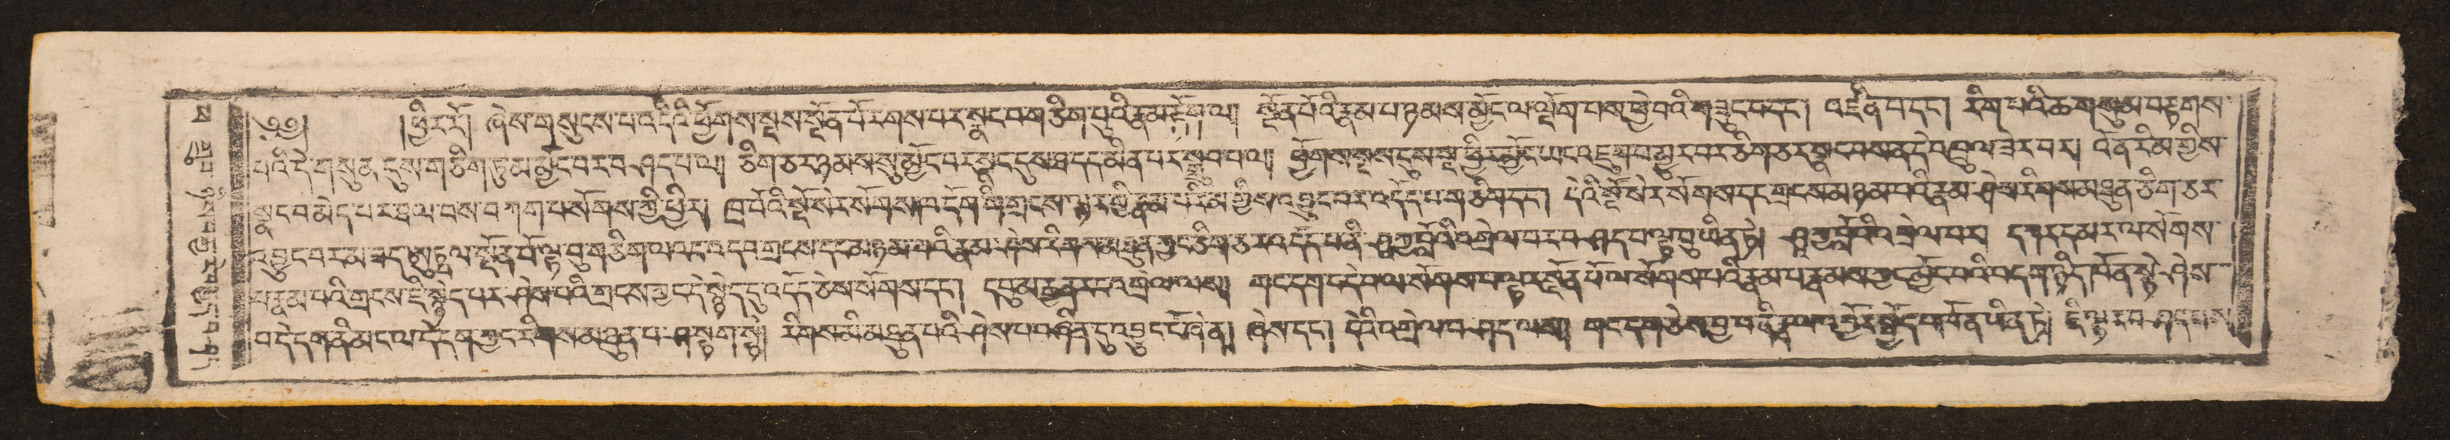༄༅། །ཕྱིར་རོ། ཞེས་གསུངས་པ་འདིའི་ཕྱོགས་སྔས་སྔོན་པོར་གས་བར་སྣང་བ་གཅིག་པུའི་རྣམ་རྟོག་ལ། སྔོན་པོའི་རྣམ་པ་ཉམས་མྱོང་ལ་ལྡོག་པས་ཕྱེ་བའི་གཟུང་བ་དང་། འཛིན་བ་དང་། རིག་པའི་ཆ་གསུམ་བརྟགས་
པའི་དེ་གསུམ་དུས་གཅིག་ཏུ་མ་མྱོང་བར་བཤད་པ་ལ། ཅིག་ཅར་ཉམས་སུ་མྱོང་བར་སྣང་དུས་ཐ་དད་མིན་པར་སྒྲུབ་བ་ལ། ཕྱོགས་སྔས་དུས་སྔ་ཕྱིར་མྱོང་ཡང་འཇུག་པ་མྱུར་པར་ཅིག་ཅར་སྣང་བས་ན་དེ་འཁྲུལ་ཟེར་བར། འོ་ན་རིམ་གྱིས་
སྣང་བ་མེད་པར་ཐལ་བས་བཀག་པ་སོགས་ཀྱི་ཕྱིར། ཁྲ་བོའི་སྡོ་སེར་སོགས་ཁ་དོག་གི་གྲངས་ལྟར་གྱི་རྣམ་པ་རིམ་གྱིས་འབྱུང་བར་འདོད་པ་གཅིག་དང་། དེའི་སྡོ་སེར་སོགས་དང་གྲངས་མཉམ་པའི་རྣམ་ཤེས་རིགས་མཐུན་ཅིག་ཅར་
འབྱུང་བར་མ་ཟད་ཨུཏྤལ་སྔོན་པོ་ལྟ་བུ་གཅིག་ལའང་འདབ་གྲངས་དང་མཉམ་པའི་རྣམ་ཤེས་རིགས་མཐུན་ཀྱང་ཅིག་ཅར་འདོད་པ་ནི་ཤཱཀྱ་བློའི་འགྲེལ་པར་བཤད་པ་ལྟ་བུ་ཡིན་ཏེ། ཤཱཀྱ་བློའི་འགྲེལ་བར། དཀར་དམར་ལ་སོགས་
པ་རྣམ་པའི་གྲངས་ཇི་སྙེད་པར་ཤེས་པའི་གྲངས་ཀྱང་དེ་སྙེད་དུ་འདོད་ཅེས་སོགས་དང་། དབུ་མ་རྒྱན་རང་འགྲེལ་ལས། གང་དག་བདེ་བ་ལ་སོགས་པ་ལྟར་སྔོན་པོ་ལ་སོགས་པའི་རྣམ་པ་རྣམས་ཀྱང་མྱོང་པའི་བདག་ཉིད་ཁོ་ན་སྟེ་ཤེས་
བདེ་དག་ནི་མང་ལ་དེ་དག་ཀྱང་རིགས་མཐུན་པ་ཤ་སྟག་སྟེ། རིགས་མི་མཐུན་པའི་ཤེས་པ་བཞིན་དུ་འབྱུང་ངོ་ཞེ་ན། ཞེས་དང་། དེའི་འགྲེལ་བཤད་ལས། གང་དག་ཅེས་བྱ་བ་ནི་རྣལ་འབྱོར་སྤྱོད་པ་ཁོ་ན་ཡིན་ཏེ། ཇི་ལྟར་བཤད་པས་